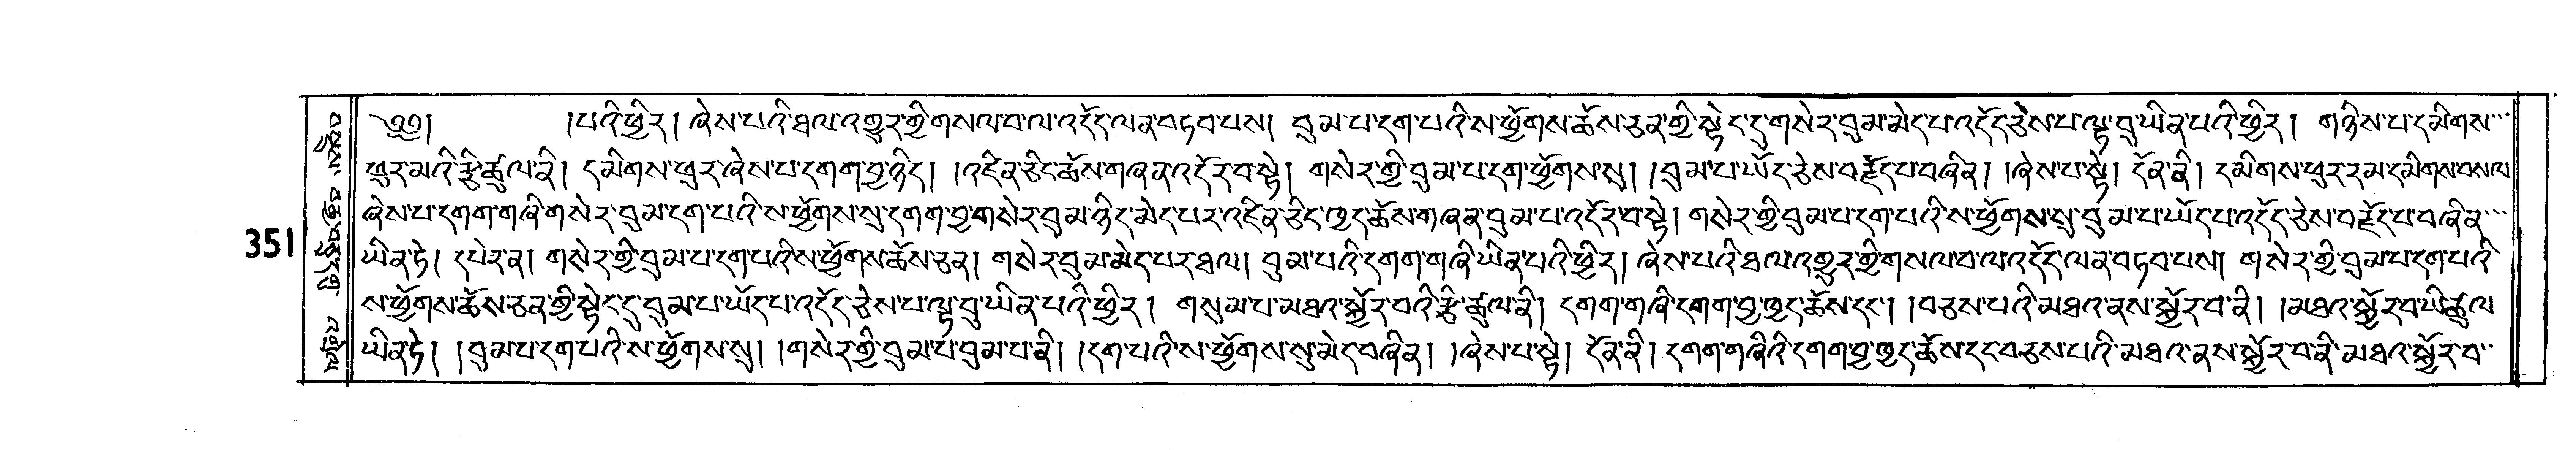༄༅། །པའི་ཕྱིར། ཞེས་པའི་ཐལ་འགྱུར་གྱི་གསལ་བ་ལ་འདོད་ལན་བཏབ་པས། བུམ་པ་དག་པའི་ས་ཕྱོགས་ཆོས་ཅན་གྱི་སྟེང་དུ་གསེར་བུམ་མེད་པ་འདོད་ཅེས་པ་ལྟ་བུ་ཡིན་པའི་ཕྱིར། གཉིས་པ་དམིགས་
ཕུར་མའི་རྩི་ཚུལ་ནི། དམིགས་ཕུར་ཞེས་པ་དགག་བྱ་ཉིད། །འཛིན་ཅིང་ཆོས་གཞན་འདོར་བ་སྟེ། གསེར་གྱི་བུམ་པ་དག་ཕྱོགས་སུ། །བུམ་པ་ཡོད་ཅེས་བརྗོད་པ་བཞིན། །ཞེས་པ་སྟེ། དོན་ནི། དམིགས་ཕུར་རམ་དམིགས་བསལ་
ཞེས་པ་དགག་གཞི་གསེར་བུམ་དག་པའི་ས་ཕྱོགས་སུ་དགག་བྱ་གསེར་བུམ་ཉིད་མེད་པར་འཛིན་ཅིང་ཁྱད་ཆོས་གཞན་བུམ་པ་འདོར་བ་སྟེ། གསེར་གྱི་བུམ་པ་དག་པའི་ས་ཕྱོགས་སུ་བུམ་པ་ཡོད་པ་འདོད་ཅེས་བརྗོད་པ་བཞིན་
ཡིན་ཏེ། དཔེར་ན། གསེར་གྱི་བུམ་པ་དག་པའི་ས་ཕྱོགས་ཆོས་ཅན། གསེར་བུམ་མེད་པར་ཐལ། བུམ་པའི་དགག་གཞི་ཡིན་པའི་ཕྱིར། ཞེས་པའི་ཐལ་འགྱུར་གྱི་གསལ་བ་ལ་འདོད་ལན་བཏབ་པས། གསེར་གྱི་བུམ་པ་དག་པའི་
ས་ཕྱོགས་ཆོས་ཅན་གྱི་སྟེང་དུ་བུམ་པ་ཡོད་པ་འདོད་ཅེས་པ་ལྟ་བུ་ཡིན་པའི་ཕྱིར། གསུམ་པ་མཐའ་སྐྱོར་བའི་རྩི་ཚུལ་ནི། དགག་གཞི་དགག་བྱ་ཁྱད་ཆོས་དང་། །བཅས་པའི་མཐའ་ནས་སྐྱོར་བ་ནི། །མཐའ་སྐྱོར་བ་ཡི་ཚུལ་
ཡིན་ཏེ། །བུམ་པ་དག་པའི་ས་ཕྱོགས་སུ། །གསེར་གྱི་བུམ་པ་བུམ་པ་ནི། །དག་པའི་ས་ཕྱོགས་སུ་མེད་བཞིན། །ཞེས་པ་སྟེ། དོན་ནི། དགག་གཞིའི་དགག་བྱ་ཁྱད་ཆོས་དང་བཅས་པའི་མཐའ་ནས་སྐྱོར་བ་ནི་མཐའ་སྐྱོར་བ་